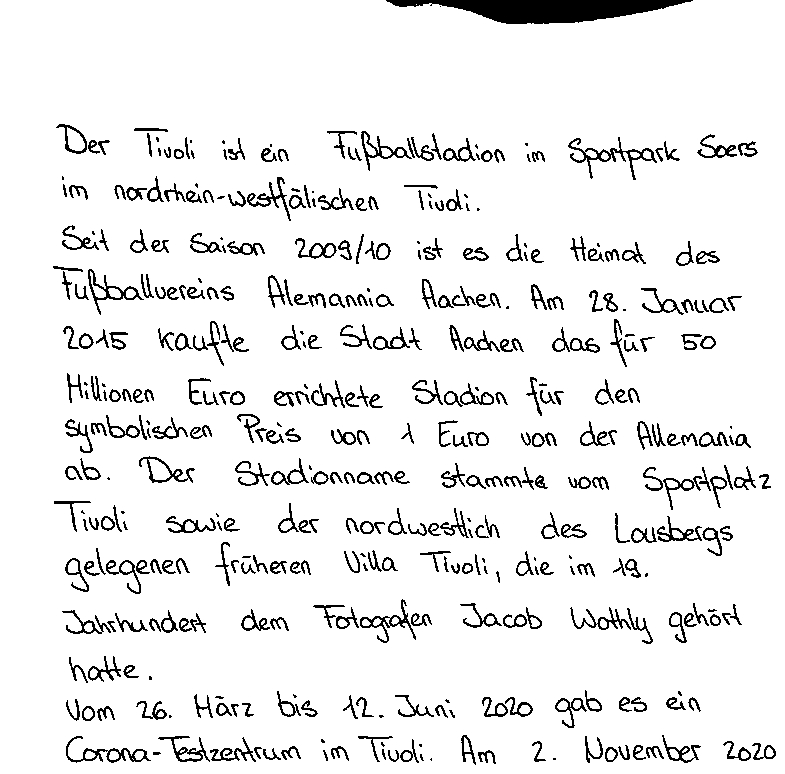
Der Tivoli ist ein Fußballstadion im Sportpark Soers
im nordrhein-westfälischen Tivoli
Seit der Saison 2009/10 ist es die Heimat des
Fußballvereins Alemannia Aachen. Am 28. Januar
2015 kaufte die Stadt Aachen das für 50
Millionen Euro errichtete Stadion für den
symbolischen Preis von 1 Euro von der Alemannia
ab.Der Stadionname stammt vom Sportplatz
Tivoli sowie der nordwestlich des Lousbergs
gelegenen früheren Villa Tivoli, die im 19.
Jahrhundert dem Fotografen Jacob Wothly gehört
hatte.
Vom 26. März bis 12. Juni 2020 gab es ein
Corona-Testzentrum im Tivoli. Am 2. November 2020
